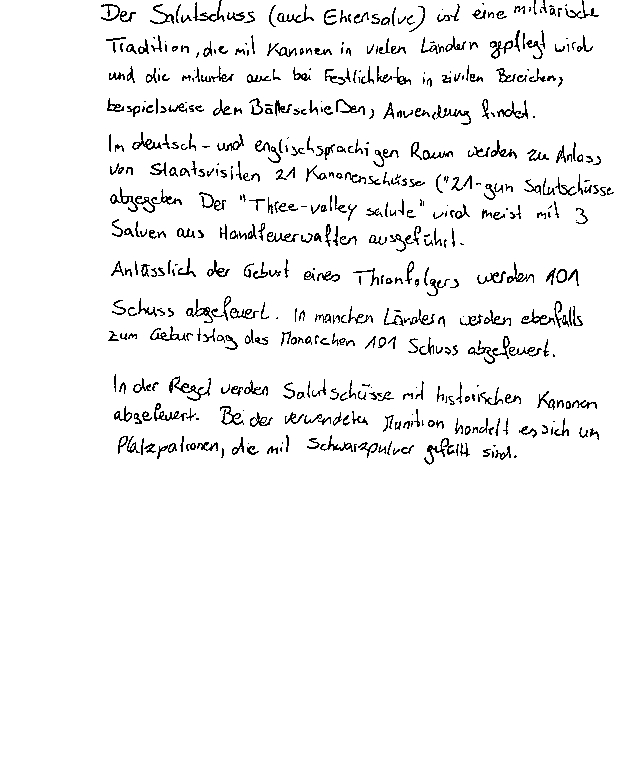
Der Salutschuss (auch Ehrensalve) ist eine militärische
Tradition, die mit Kanonen in vielen Ländern gepflegt wird
und die mitunter auch bei Festlichkeiten in zivilen Bereichen,
beispielsweise dem Böllerschießen, Anwendung findet.
Im deutsch- und englischsprachigen Raum werden zu Anlass
von Staatsvisiten 21 Kanonenschüsse ("21-gun Salutschüsse
abgegeben. Der "Three-volley salute" wird meist mit 3
Salven aus Handfeuerwaffen ausgeführt.
Anlässlich der Geburt eines Thronfolgers werden 101
Schuss abgefeuert. In manchen Ländern werden ebenfalls
zum Geburtstag des Monarchen 101 Schuss abgefeuert.
In der Regel werden Salutschüsse mit historischen Kanonen
abgefeuert. Bei der verwendeten Munition handelt es sich um
Platzpatronen, die mit Schwarzpulver gefüllt sind.
